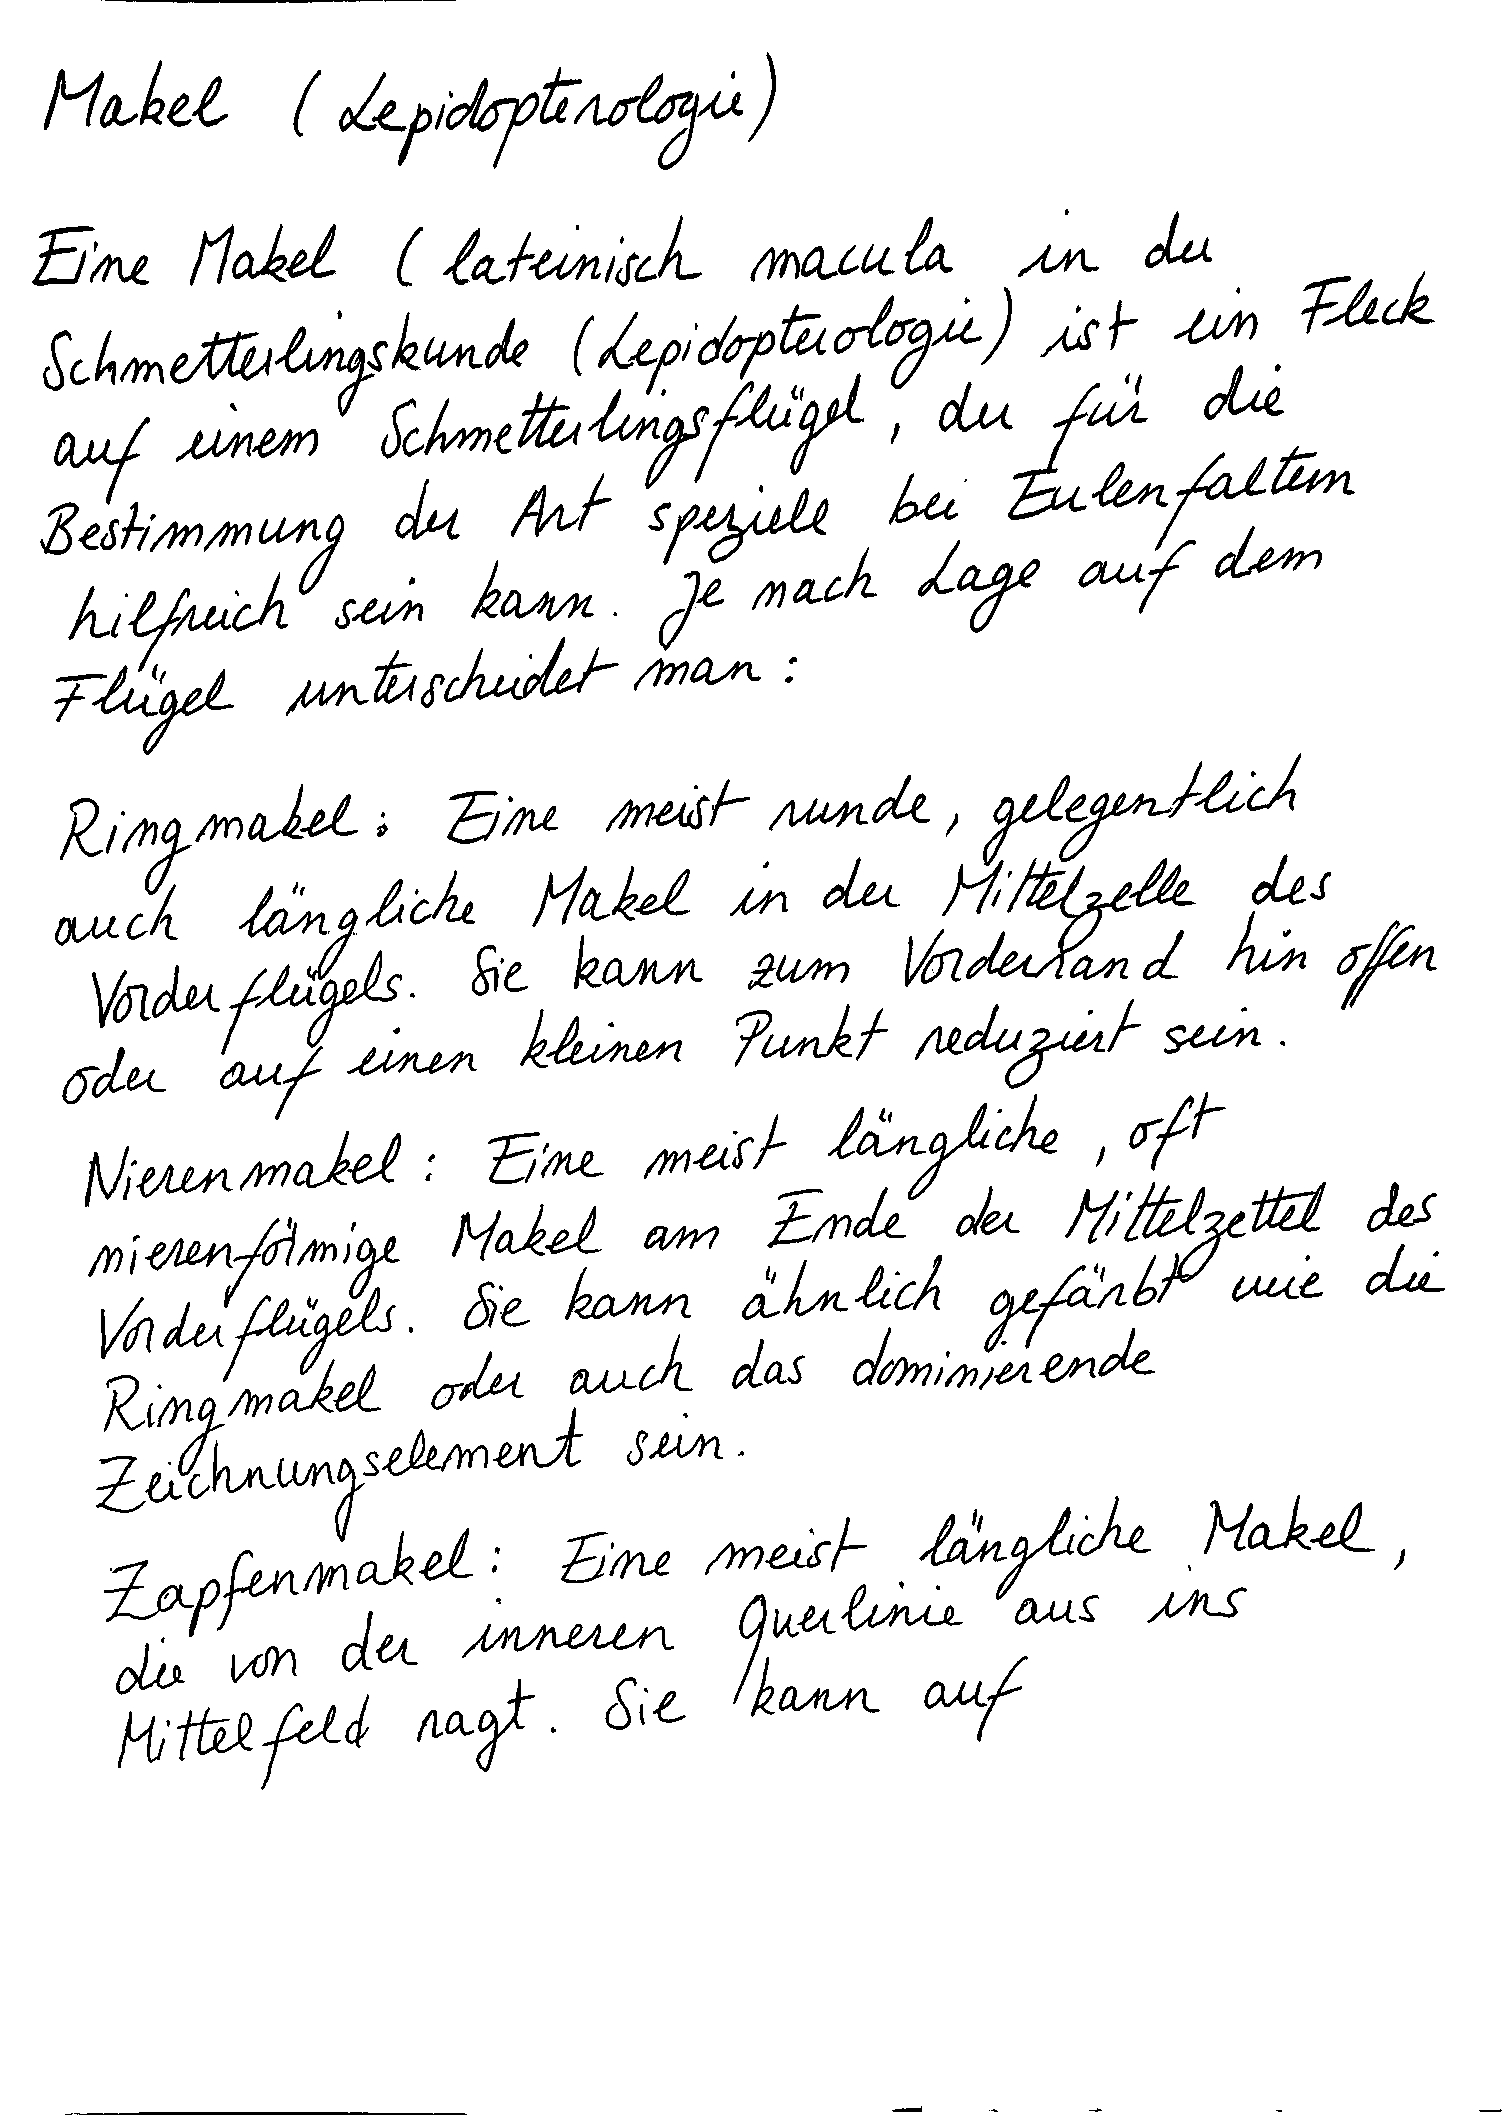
Makel (Lepidopterologie)
Eine Makel (lateinisch macula in der
Schmetterlingskunde (Lepidopterologie) ist ein Fleck
auf einem Schmetterlingsflügel, der für die
Bestimmung der Art speziell bei Eulenfaltern
hilfreich sein kann. Je nach Lage auf dem
Flügel unterscheidet man:
Ringmakel: Eine meist runde, gelegentlich
auch längliche Makel in der Mittelzelle des
Vorderflügels. Sie kann zum Vorderrand hin Ofen
oder auf einen kleinen Punkt reduziert sein.
Nierenmakel: Eine meist längliche, oft
nierenförmige Makel am Ende der Mittelzelle des
Vorderflügels. Sie kann ähnlich gefärbt wie die
Ringmakel oder auch das dominierende
Zeichnungselement sein.
Zapfenmakel: Eine meist längliche Makel,
die von der inneren Querlinie aus ins
Mittelfeld ragt. Sie Kann auf
